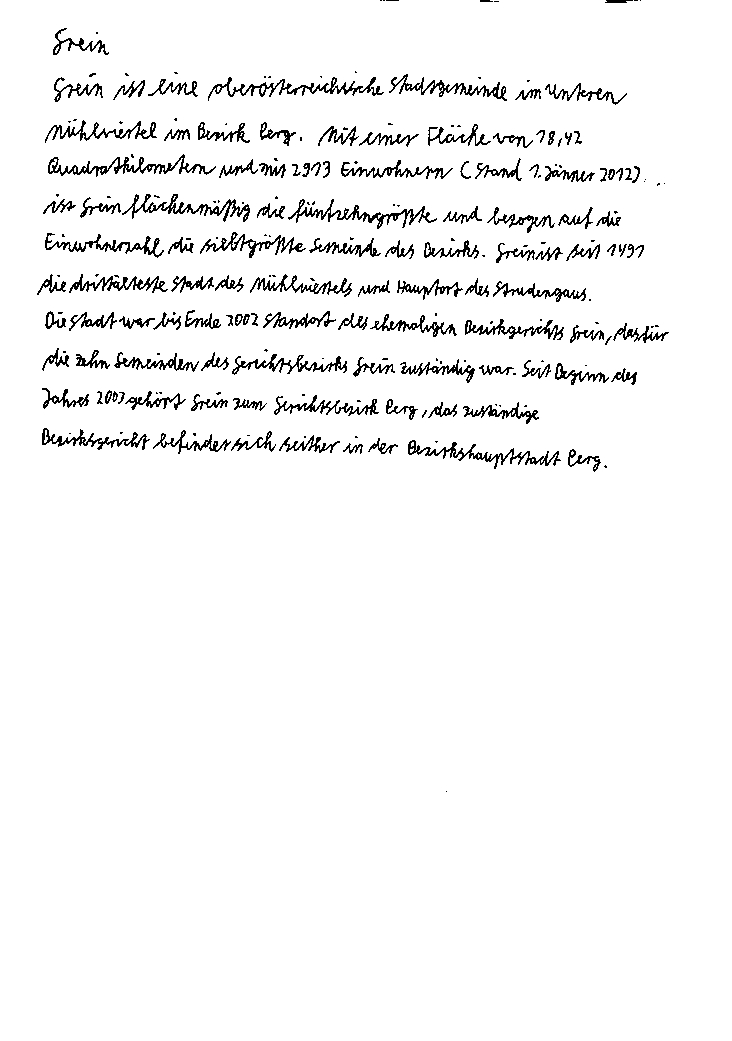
Grein
Grein ist eine oberösterreichische Stadtgemeinde im Unteren
Mühlviertel im Bezirk Perg. Mit einer Fläche von 18,42
Quadratkilometern und mit 2913 Einwohnern (Stand 1. Jänner 2022)
ist Grein flächenmäßig die fünfzehntgrößte und bezogen auf die
Einwohneranzahl die siebtgrößte Gemeinde des Bezirks. Grein ist seit 1491
die drittälteste Stadt des Mühlviertels und Hauptort des Strudengaus.
Die Stadt war bis Ende 2002 Standort des ehemaligen Bezirksgerichts Grein, das für
die zehn Gemeinden des Gerichtsbezirks Grein zuständig war. Seit Beginn des
Jahres 2003 gehört Grein zum Gerichtsbezirk Perg, das zuständige
Bezirksgericht befindet sich seither in der Bezirkshauptstadt Perg.
